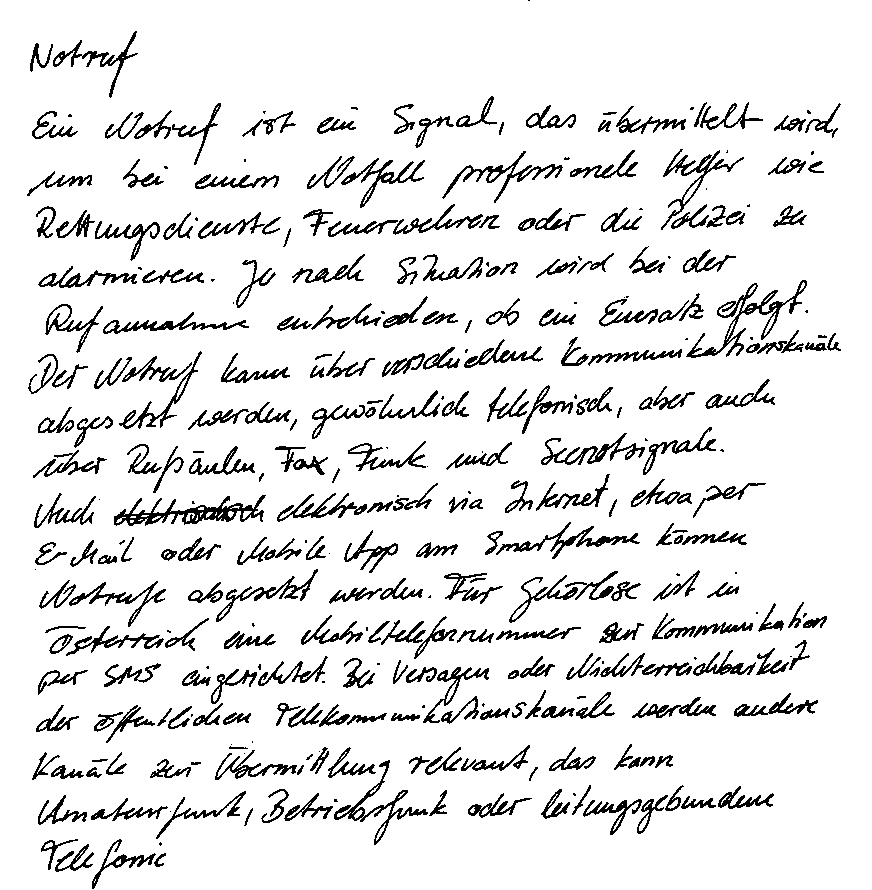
Notruf
Ein Notruf ist ein Signal, das übermittelt wird,
um bei einem Notfall professionelle Helfer wie
Rettungsdienste, Feuerwehren oder die Polizei zu
alarmieren. Je nach Situation wird bei der
Rufannahme entschieden, ob ein Einsatz erfolgt.
Der Notruf kann über verschiedene Kommunikationskanäle
abgesetzt werden, gewöhnlich telefonisch, aber auch
über Rufsäulen, Fax, Funk und Seenotsignale.
Auch elektronisch via Internet, etwa per
E-Mail oder Mobile App am Smartphone können
Notrufe abgesetzt werden. Für Gehörlose ist in
Österreich eine Mobiltelefonnummer zur Kommunikation
per SMS eingerichtet. Bei Versagen oder Nichterreichbarkeit
der öffentlichen Telekommunikationskanäle werden andere
Kanäle zur Übermittlung relevant, das kann
Amateurfunk, Betriebsfunk oder leitungsgebundene
Telefonie
